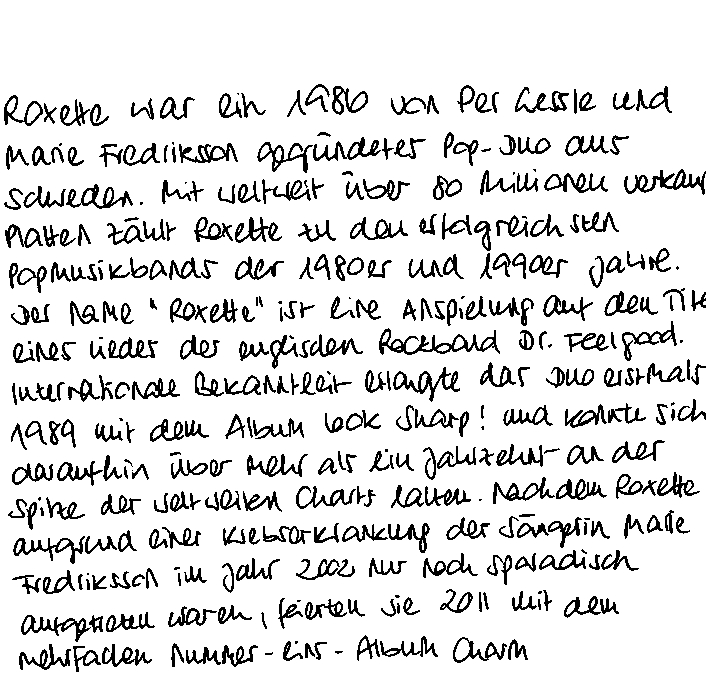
Roxette war ein 1986 von Per Gessle und
Marie Fredriksson gegründetes Pop-Duo aus
Schweden. Mit weltweit über 80 Millionen verkauften
Platten zählt Roxette zu den erfolgreichsten
Popmusikbands der 1980er und 1990er Jahre.
Der Name "Roxette" ist eine Anspielung auf den
eines Liedes der englischen Rockband Dr. Feelgood.
Internationale Bekanntheit erlangte das Duo erstmals
1989 mit dem Album Look Sharp! und konnte sich
daraufhin über mehr als ein Jahrzehnt an der
Spitze der weltweiten Charts halten. Nachdem Roxette
aufgrund einer Krebserkrankung der Sängerin Marie
Fredriksson im Jahr 2002 nur noch sporadisch
aufgetreten waren, feierten sie 2011 mit dem
mehrfachen Nummer-eins-Album Charm
